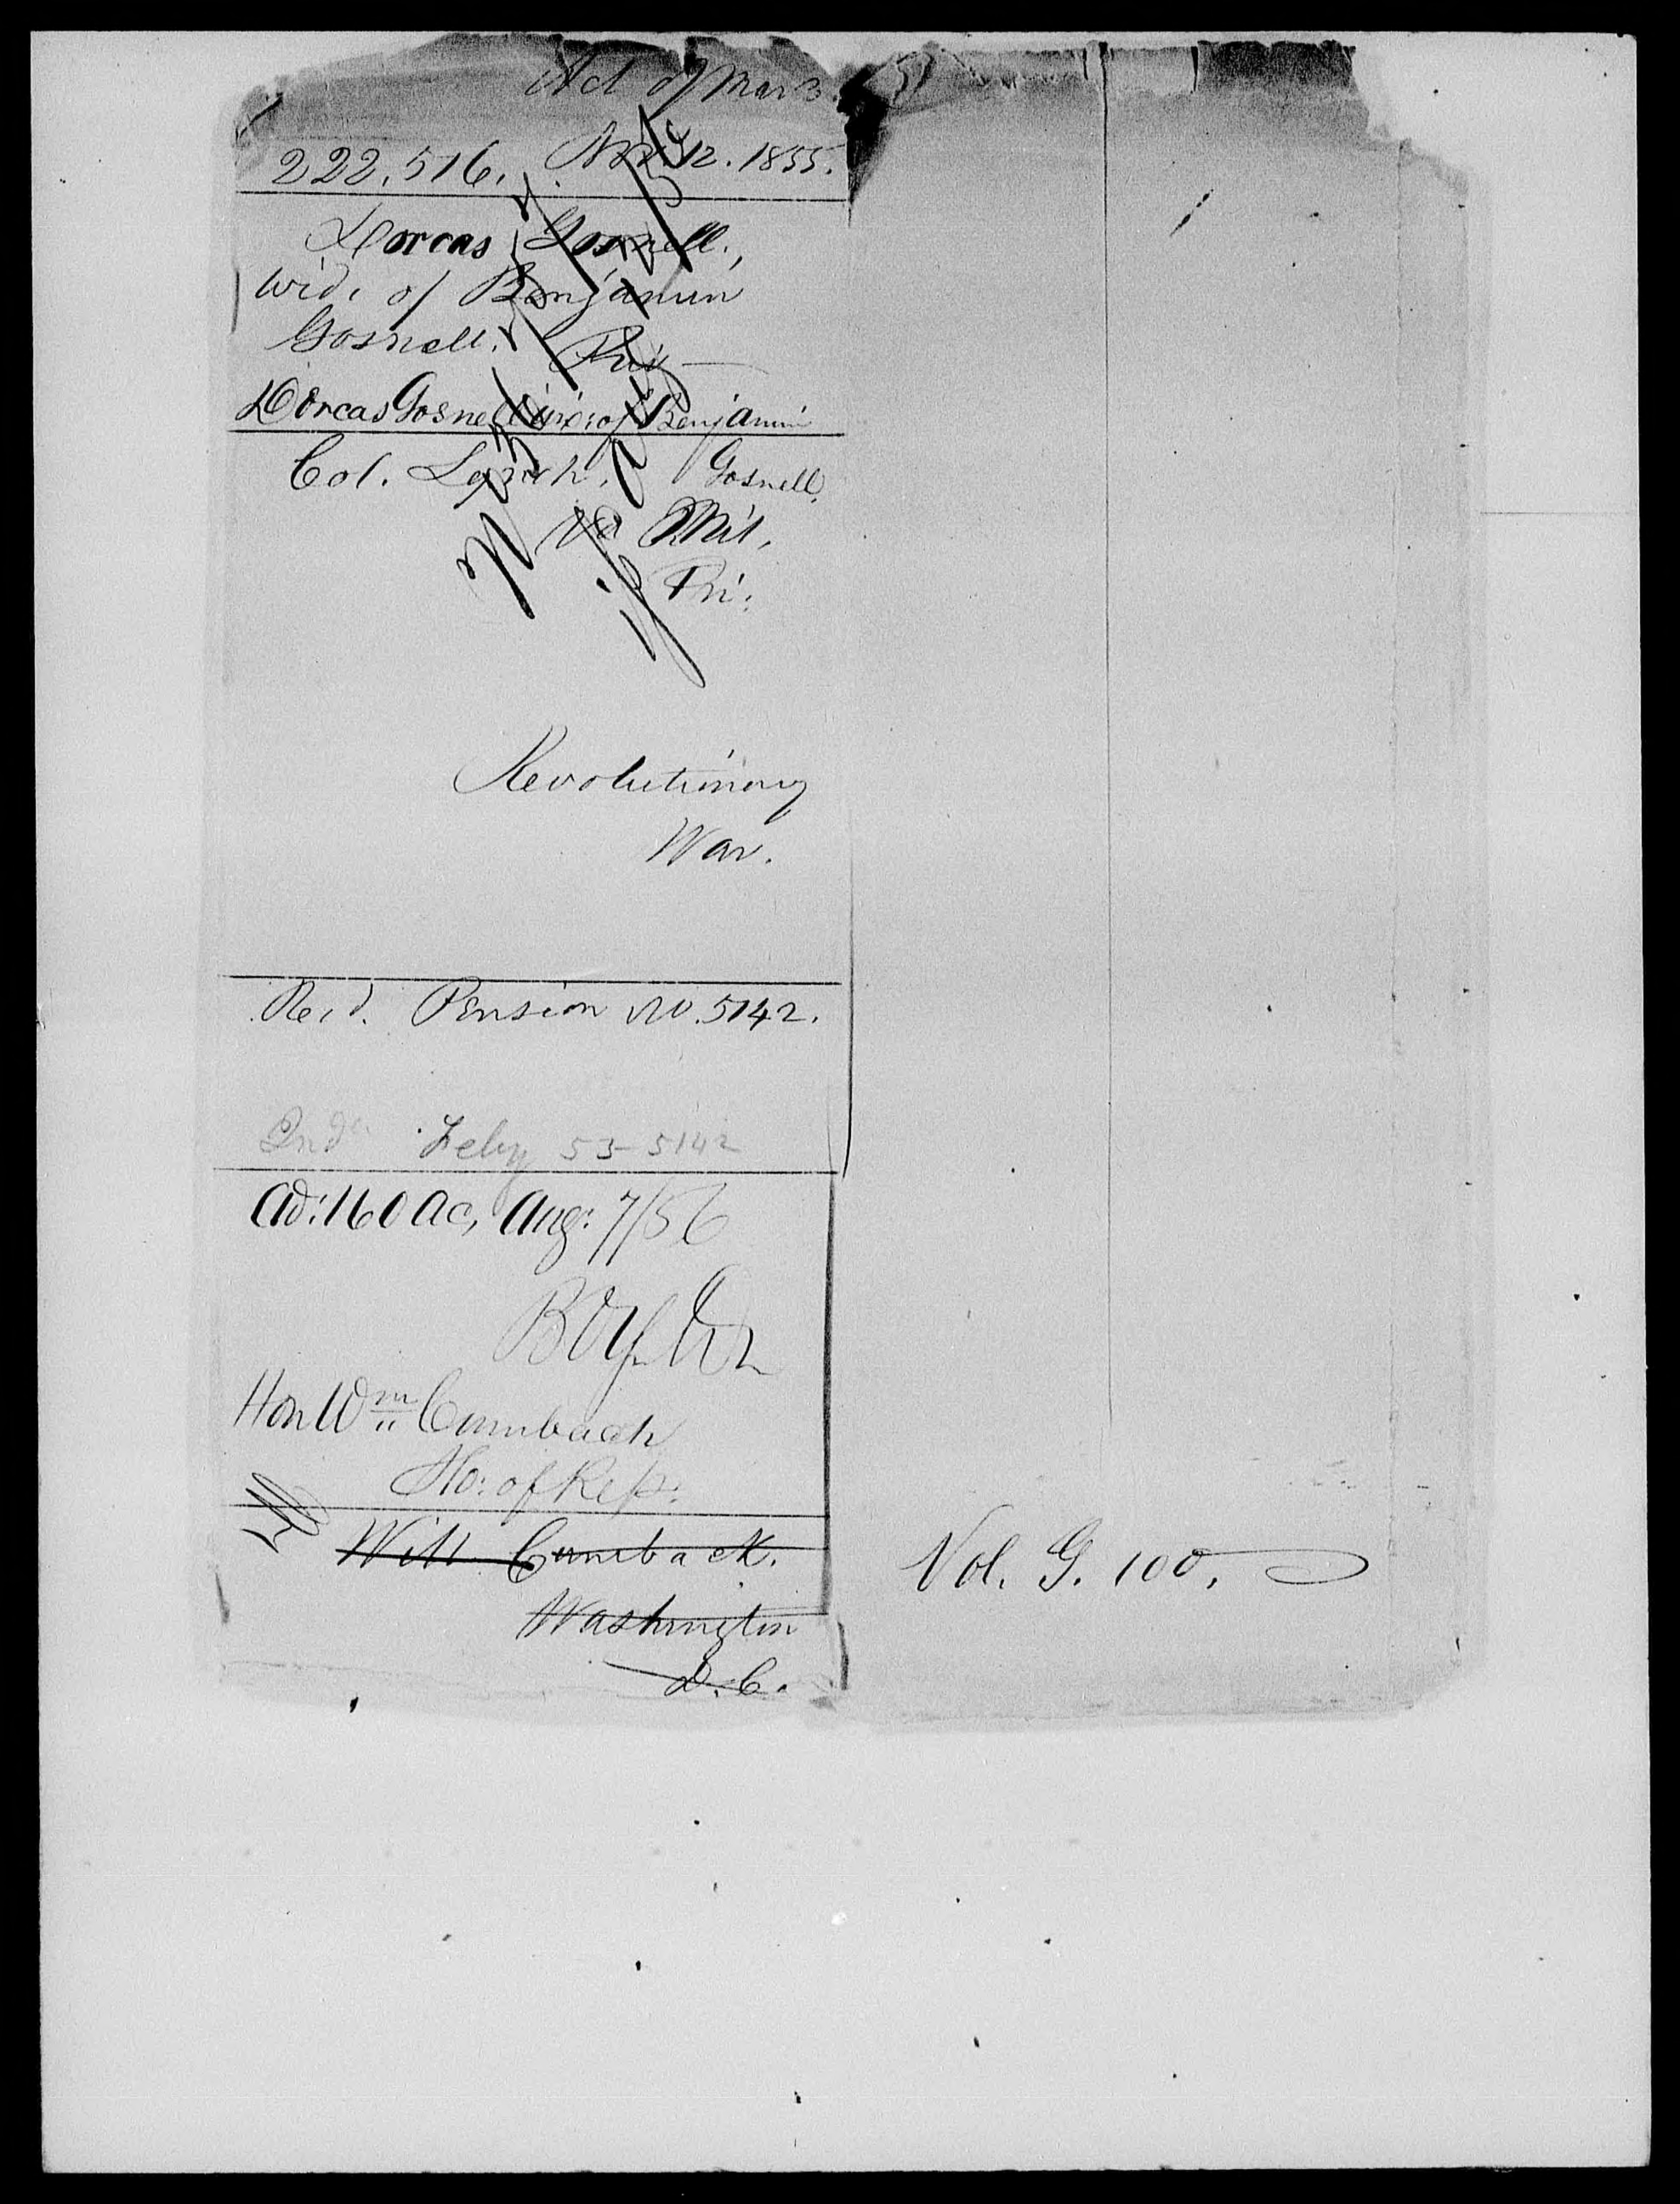Act of Mar 3,
222516.   Nov 12, 1855
Dorcas Gosnell
wid. of Benjamin
Gosnell.  Pvt [Private] 
Dorcas Gosnell wid [widow] of Benjamin Gosnell
Col. Lynch  
            Va Mil [Virginia Militia]
                       Pri [Private]
[Overwritten on above]: No.36757 
                                      iss Aug 12/56

Revolutionary War

Recd. Pension No.5142
Ind.  Feby 53-5142
Ad:160Ac, Aug: 7/56
                     Boy D
Hon. Wm. Cumback
      Ho: of Rep. [House of Representatives]
Will. Cumback, Washington, D.C. [crossed out]

Vol. G. 100 [on next page]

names: Benjamin Gosnell, Wm Cumback, Dorcas Gosnell, Benjamin Gosnell, Lynch, Will Cumback, Dorcas Gosnell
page: 4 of 39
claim: widow's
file: W. 11060, Benjamin Gosnell, Va.